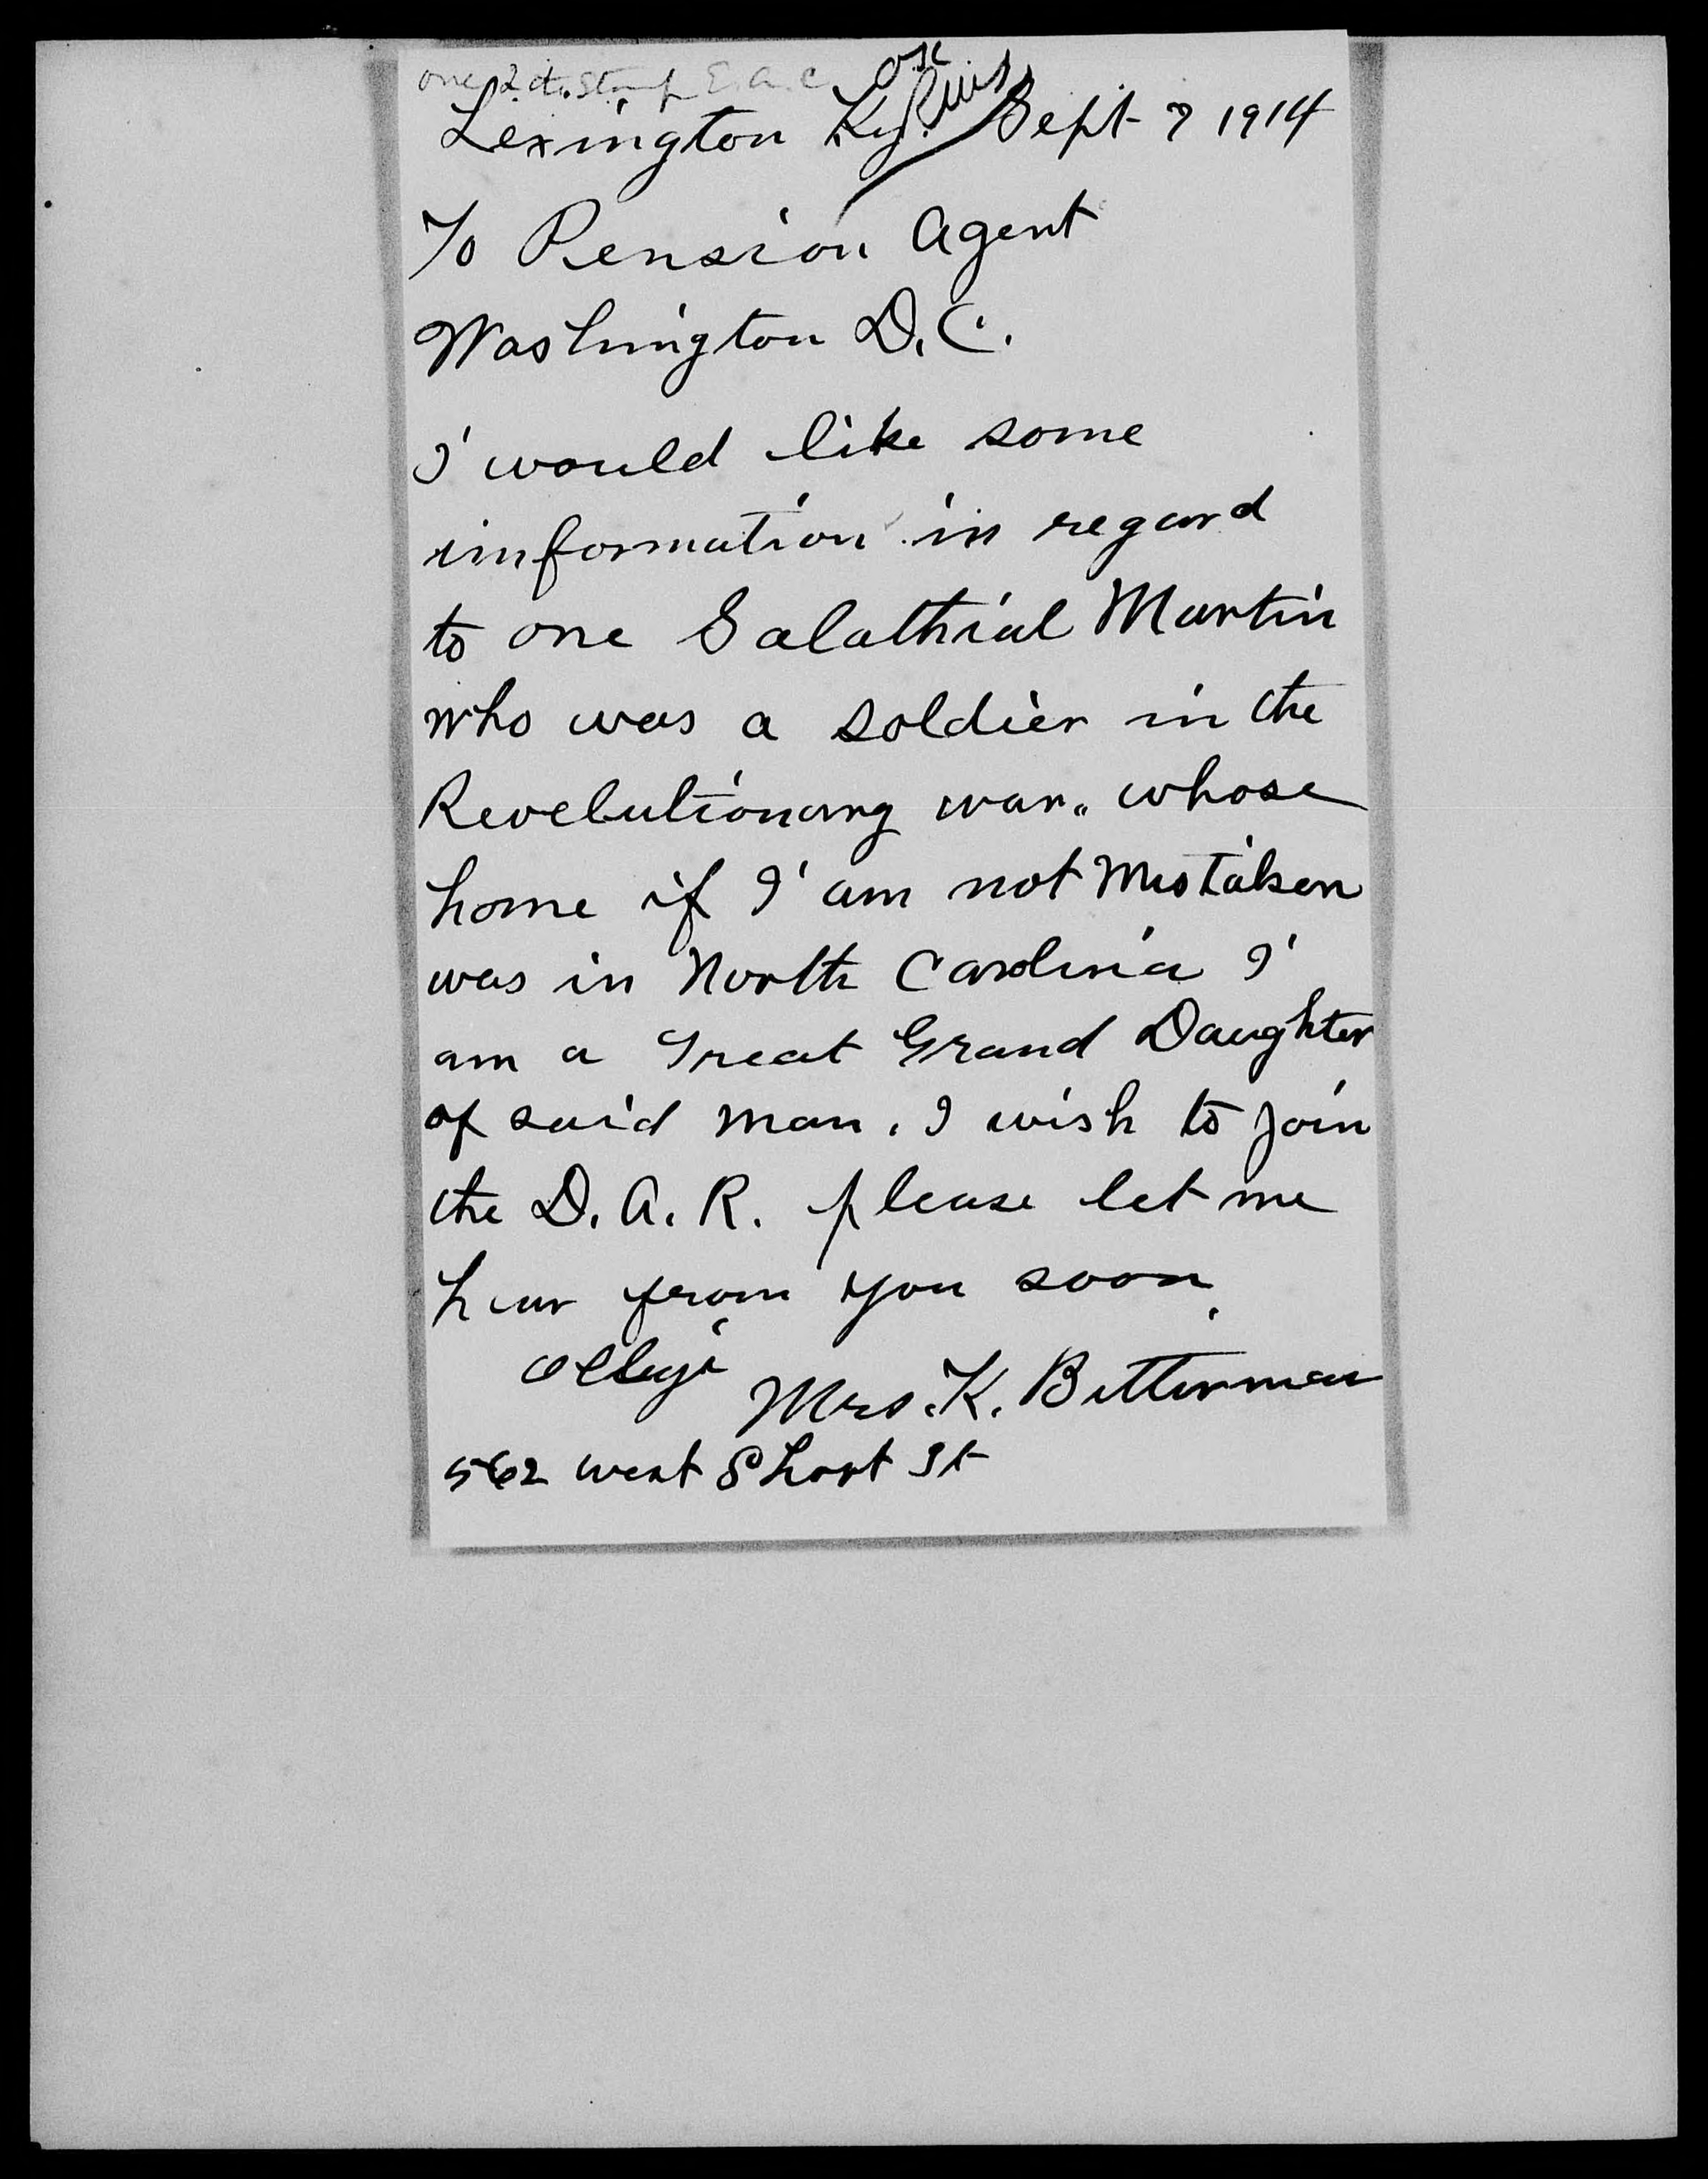one 2 ct. stamp e.a.c
Lexington Ky [illegible] RWS Sept 7 1914
To Pension Agent
Washington D.C.
I would like some
information in regard
to one Salathial [Salathiel] Martin
who was a soldier in the
Revelutionary [Revolutionary] war. whose
home if I' am not mistaken
was in North Carolina I'
am a Great Grand Daughter
of said man.  I wish to join
the D.A.R. please let me
hear from you soon
oblige
Mrs. K. Betterman
562 West Shoot St.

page: 33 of 120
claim: widow's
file: W. 1044, for Salathiel Martin, North Carolina